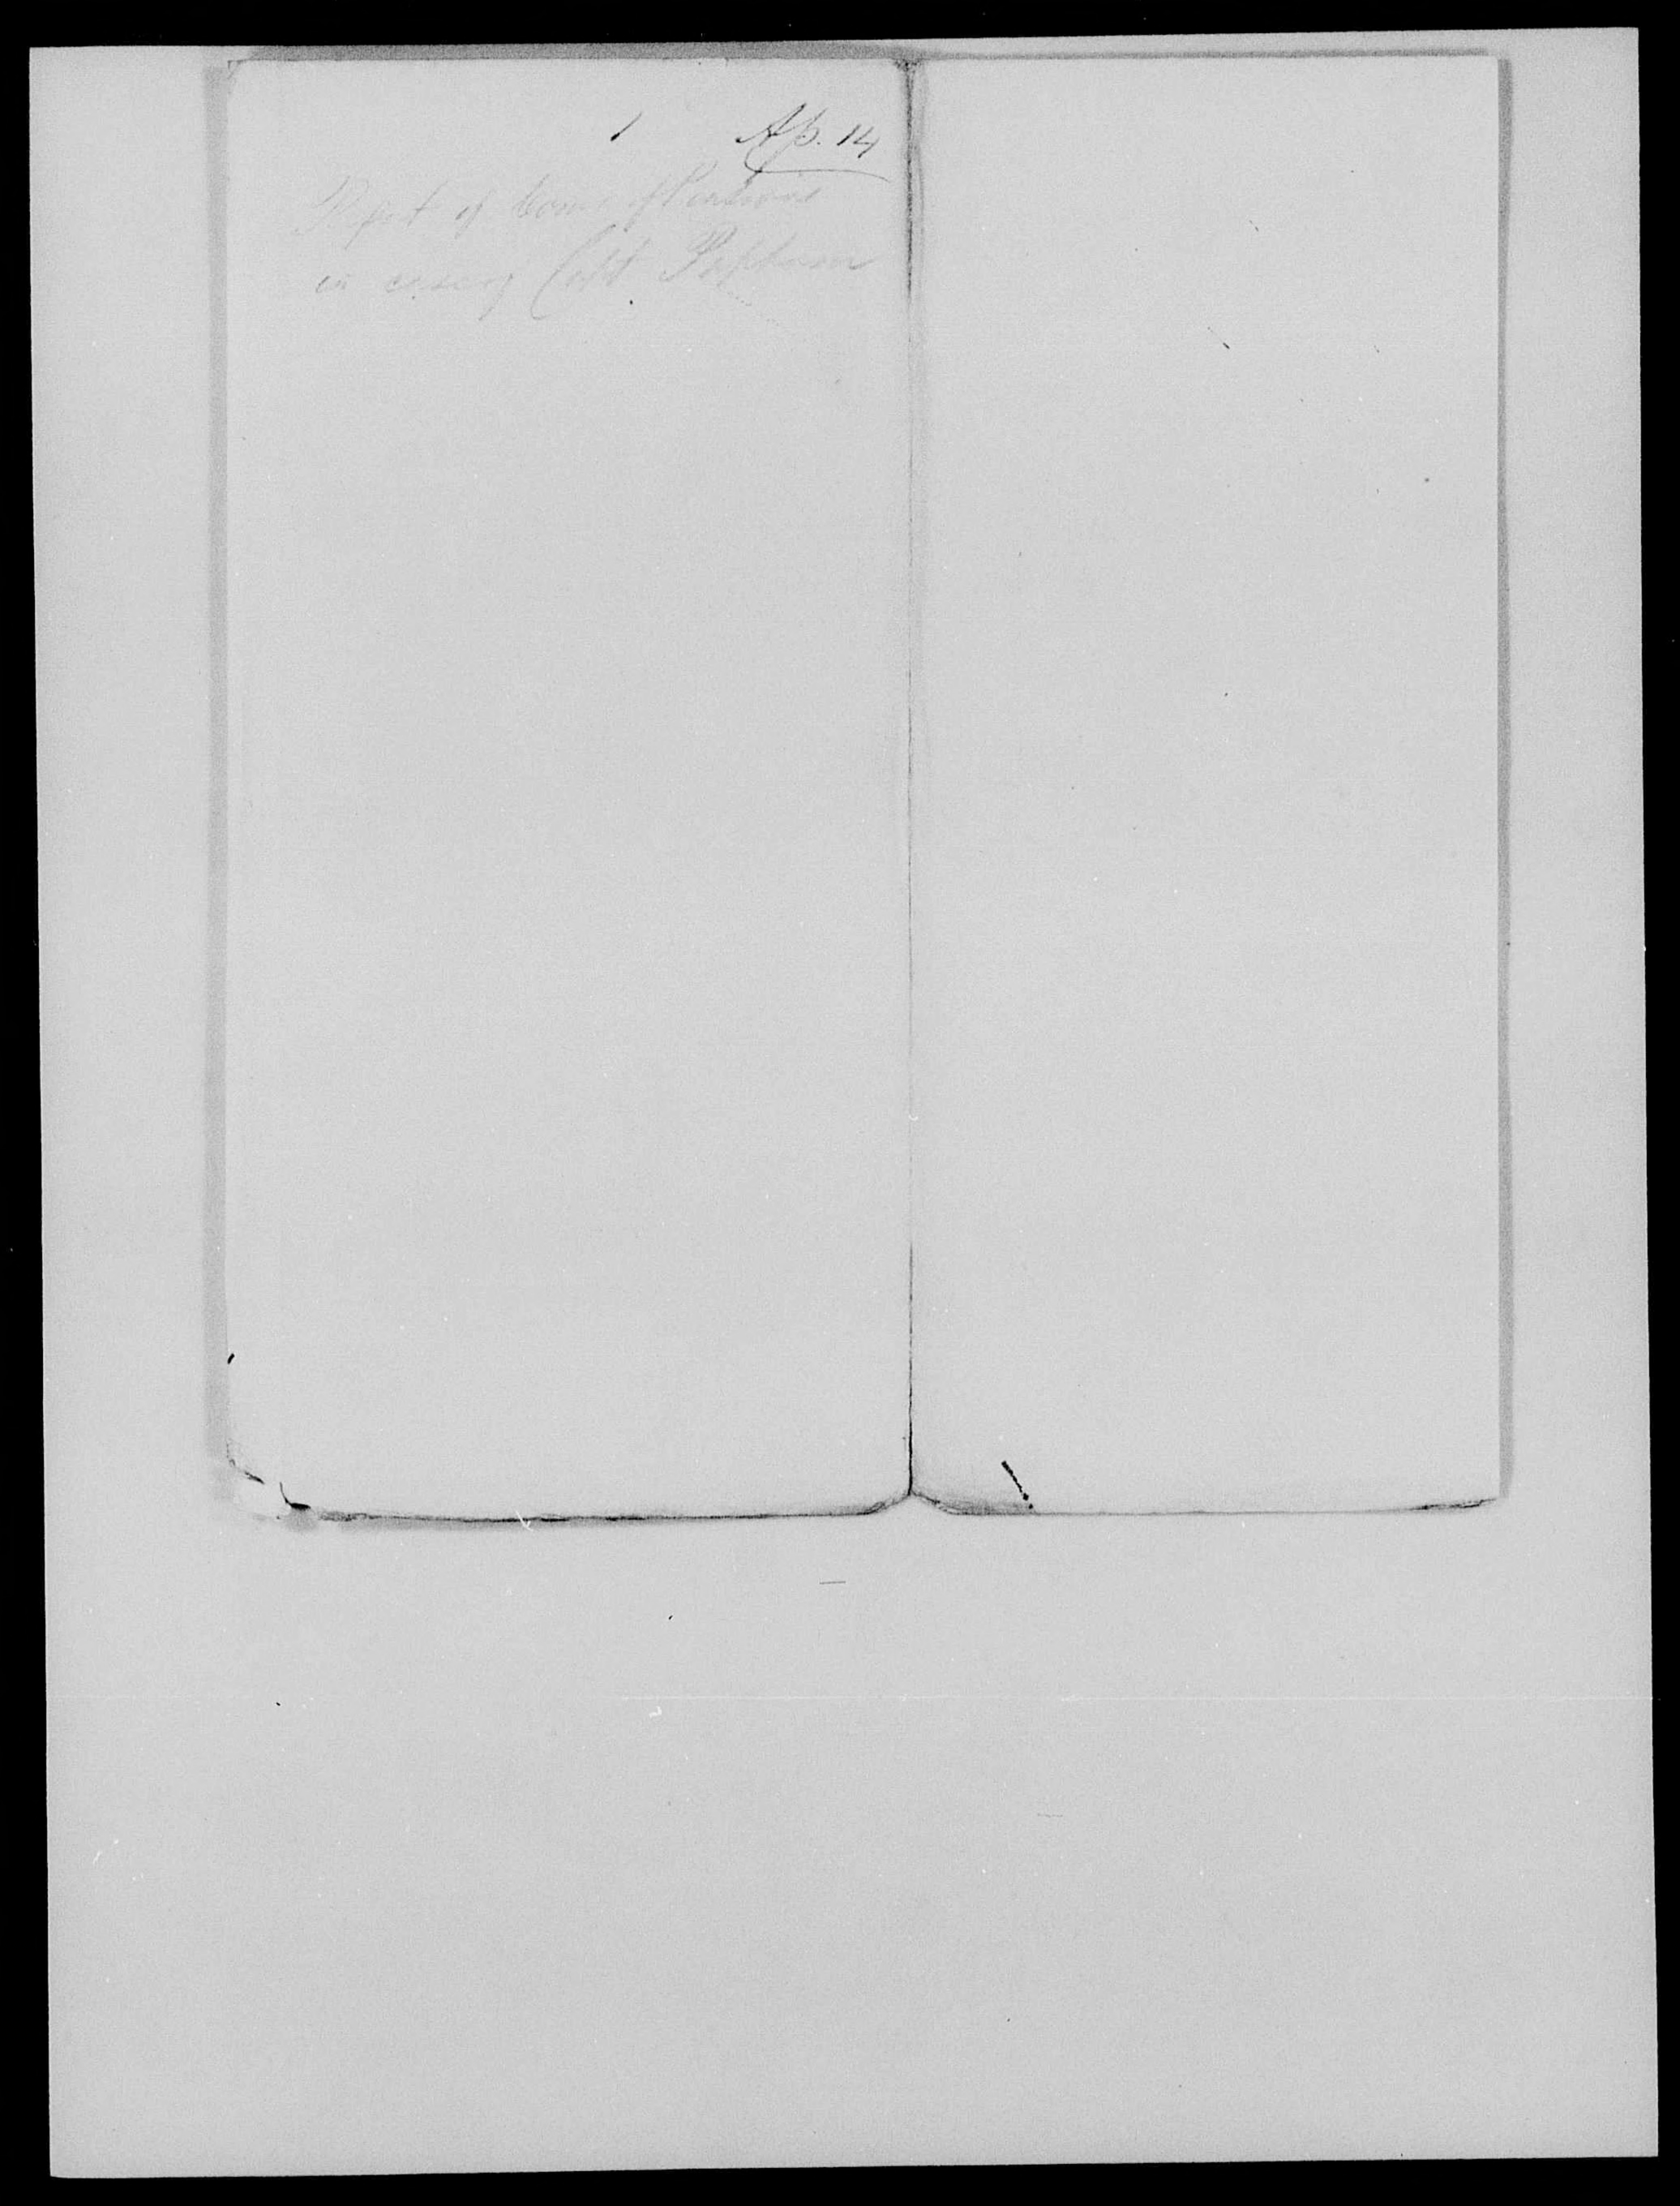Ap. 14
Report of Com Pensions
in case of Capt Popham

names: [BLANK] Popham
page: 21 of 75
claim: survivor's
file: S. 9989, for William Popham, Delaware